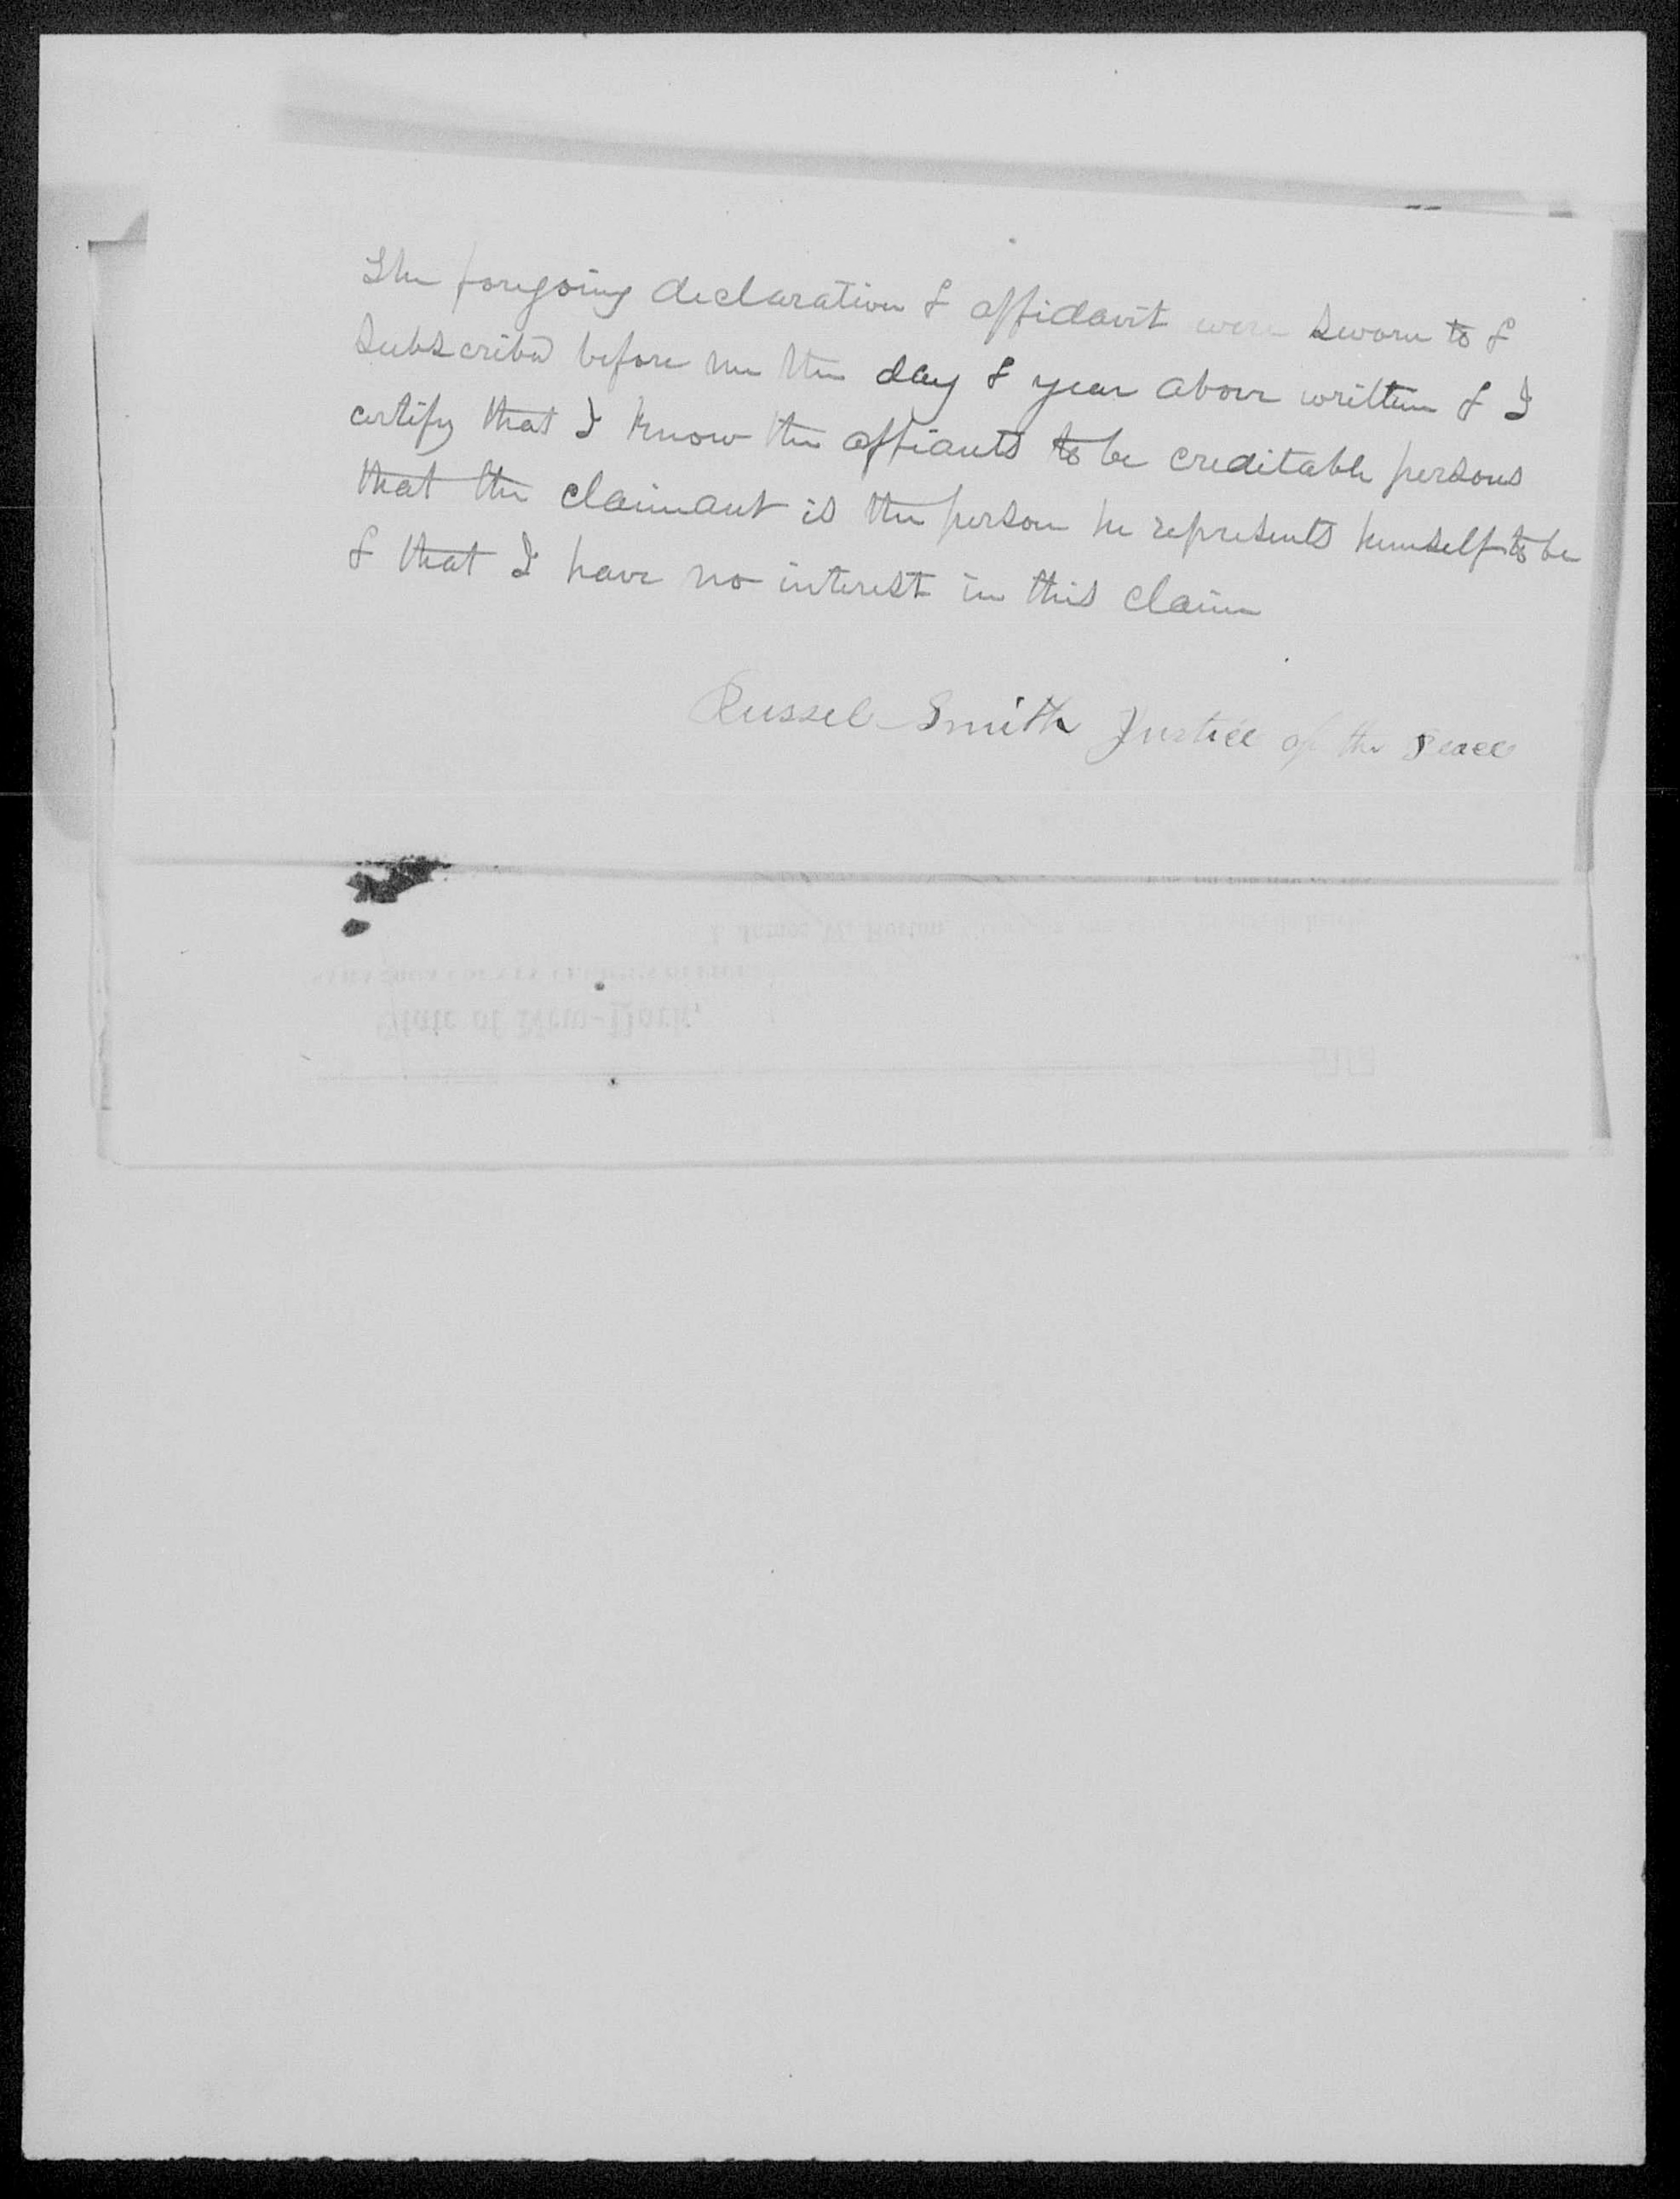The foregoing declaration & affidavit were sworn to & subscribed before me the day & year above written & I certify that I know the affiants to be creditable persons that the claimant is the person he represents himself to be & that I have no interest in this claim
Russel Smith Justice of the Peace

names: Russel Smith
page: 8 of 56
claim: survivor's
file: S. 40,055, Samuel Downing, N.H.